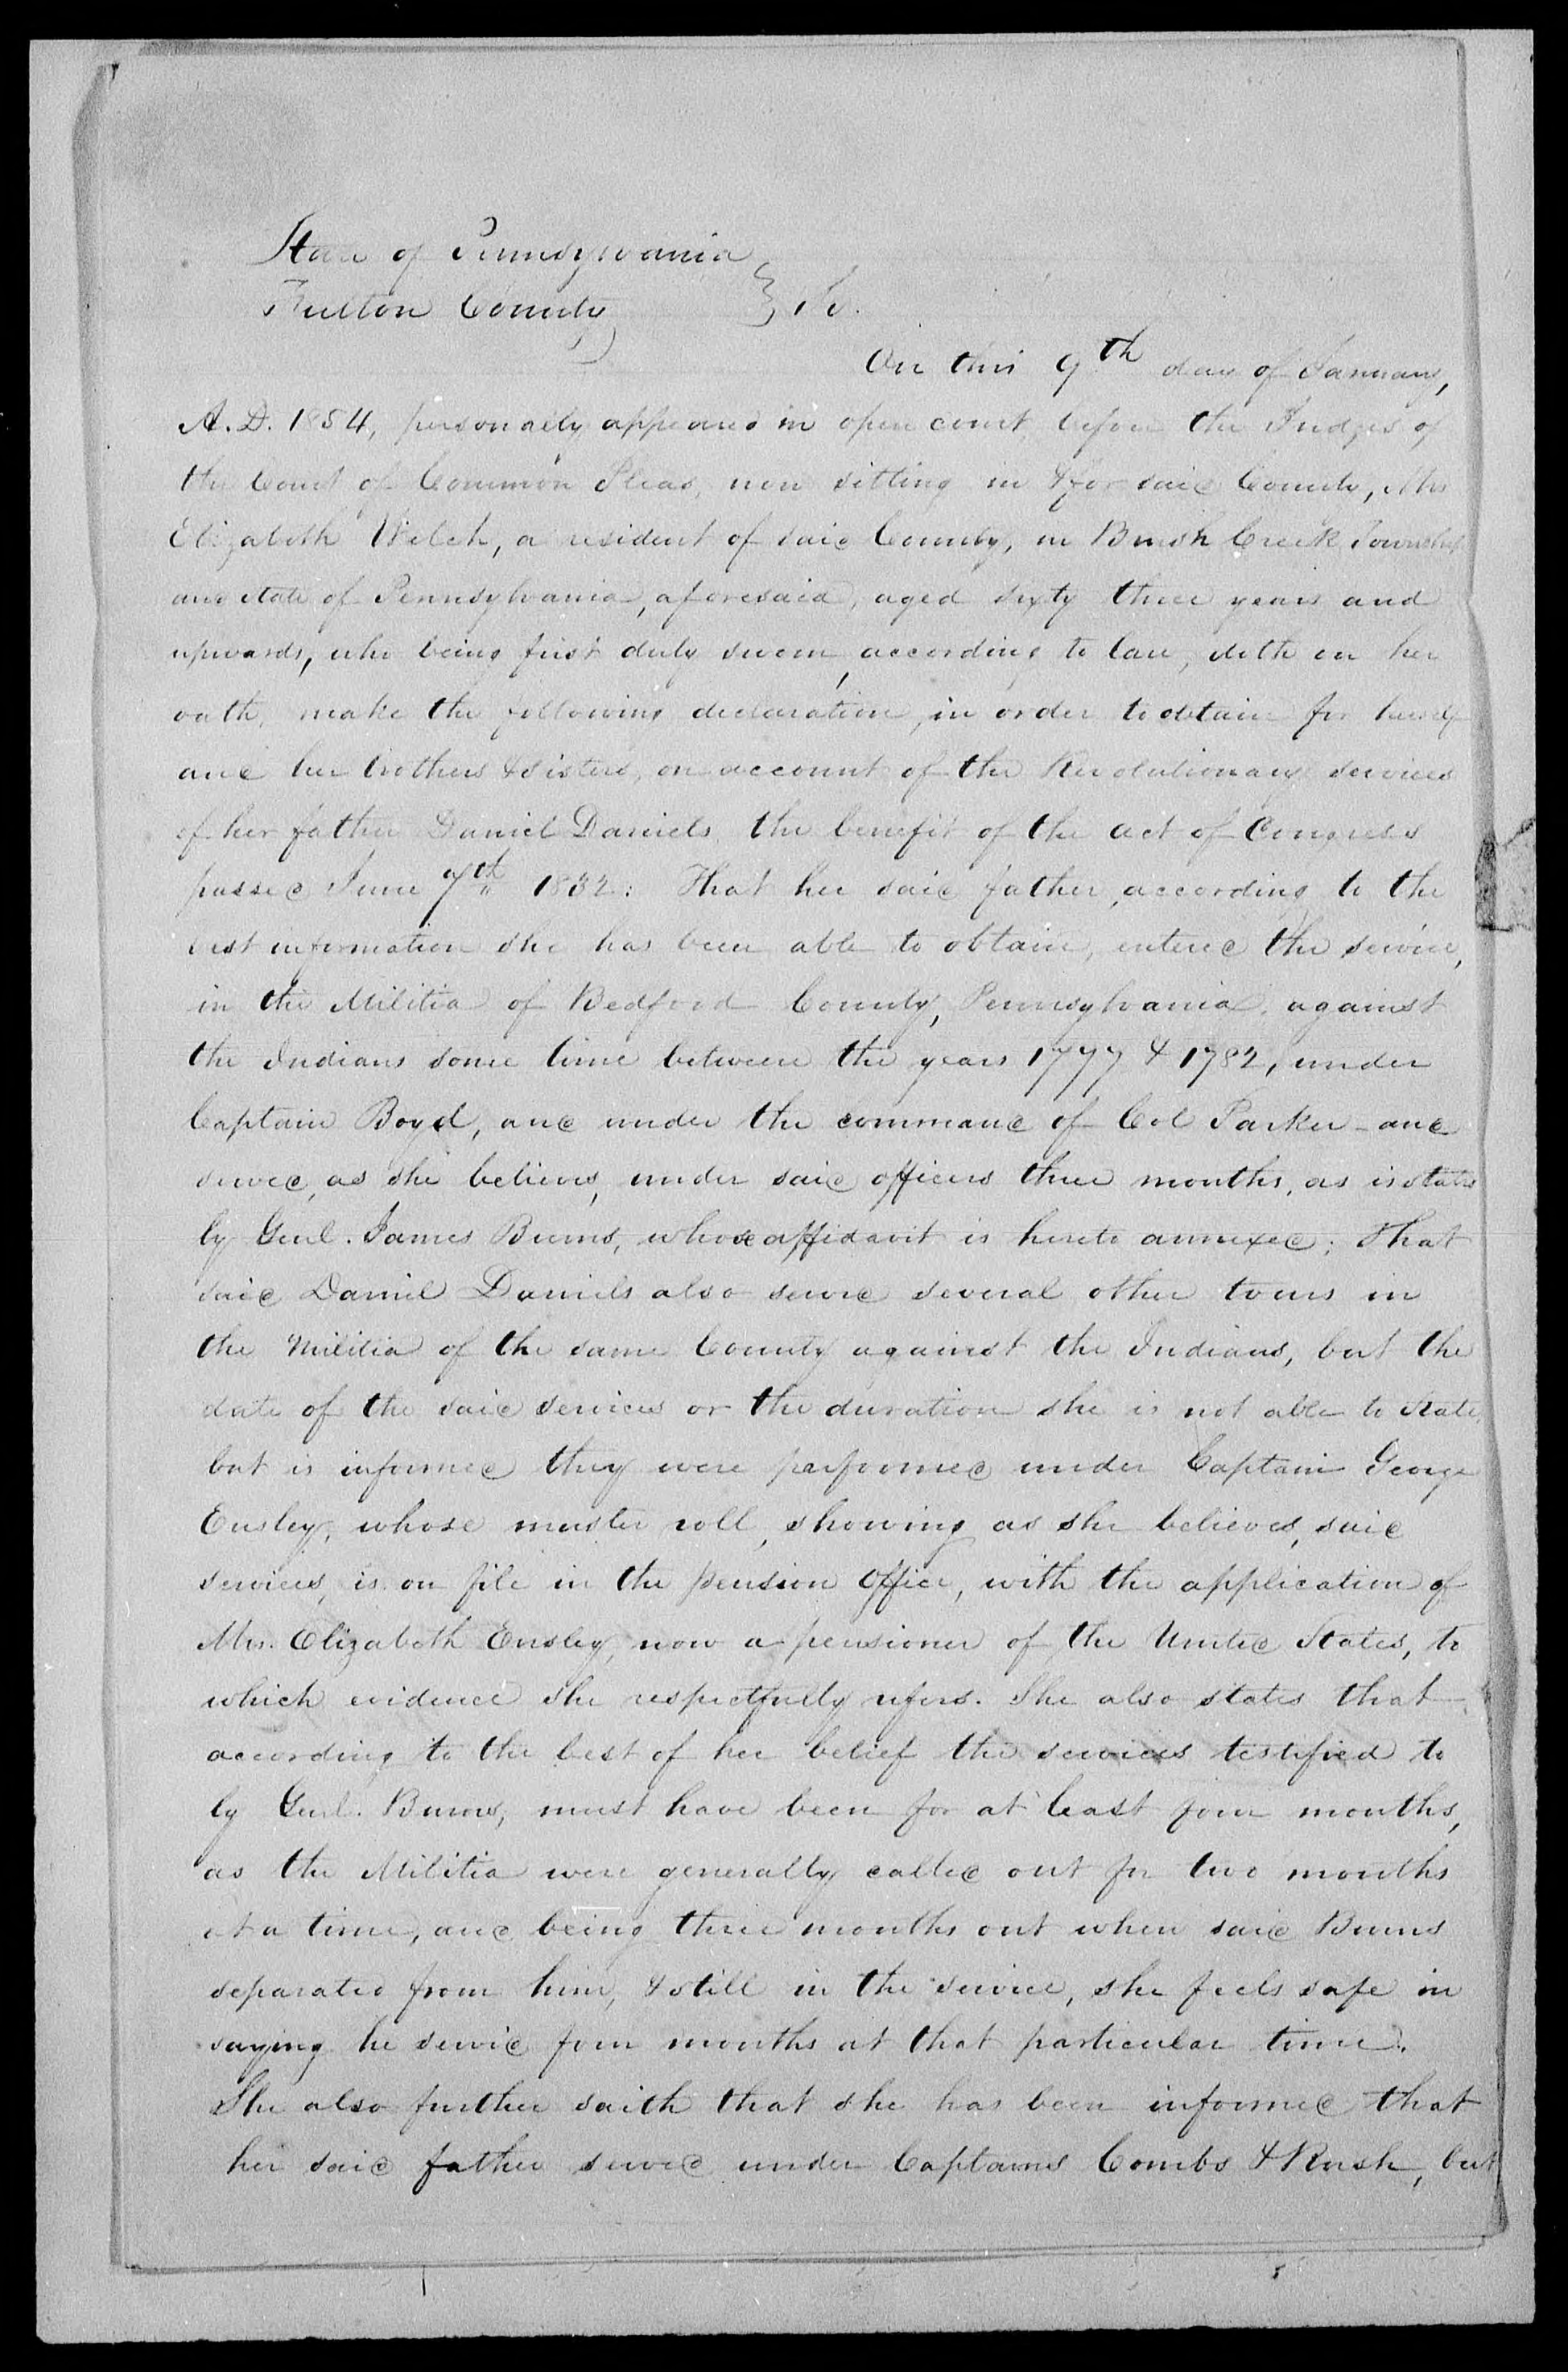State of Pennsylvania
Fulton County ss.

On this 9th day of January,
A.D. 1854, personally appeared in open court before the Judges of
the Court of Common Pleas now sitting in & for said County, Mrs
Elizabeth Welch, a resident of said County, in Brush Creek County
and State of Pennsylvania, aforesaid, aged sixty three years and
upwards, who being first duly sworn according to law, doth on her
oath make the following declaration in order to obtain for herself
and her brothers & sisters, on account of the Revolutionary services
of her father Daniel Daniels the benefit of the act of Congress
passed June 7th 1832: That her said father, according to the
best information she has been able to obtain, entered the service
in the Militia of Bedford County, Pennsylvania, against
the Indians some time between the years 1777 & 1782, under
Captain Boyd, and under the command of Col Parker and
served as she believes, under said officers three months, as is stated
by Genl. James Burns, whose affidavit is hereto annexed; that
said Daniel Daniels also served several other tours in
the Militia of the same County against the Indians, but the
date of the said services or the duration she is not able to State
but is informed they were performed under Captain George
Ensley, whose muster roll showing as she believes, said
services is on file in the pension office, with the application of
Mrs. Elizabeth Ensley, now a pensioner of the United States, to
which evidence she respectfully refers. She also states that
according to the best of her belief the services testified to
by Genl Burns, must have been for at least four months
as the Militia were generally called out for two months
at a time, and being three months out when said Burns
separated from him, & still in the service, she feels safe in
saying he served four months at that particular time.
She also further saith that she has been informed that
her said father served under Captains Combs & Rush, but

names: Parker, Boyd, Burns, Rush, Burns, Elizabeth Ensley, George Ensley, James Burns, Combs, Daniel Daniels, Daniel Daniels, Elizabeth Welsh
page: 2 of 35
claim: rejected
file: R. 2,650, Daniel Daniels, Penn.